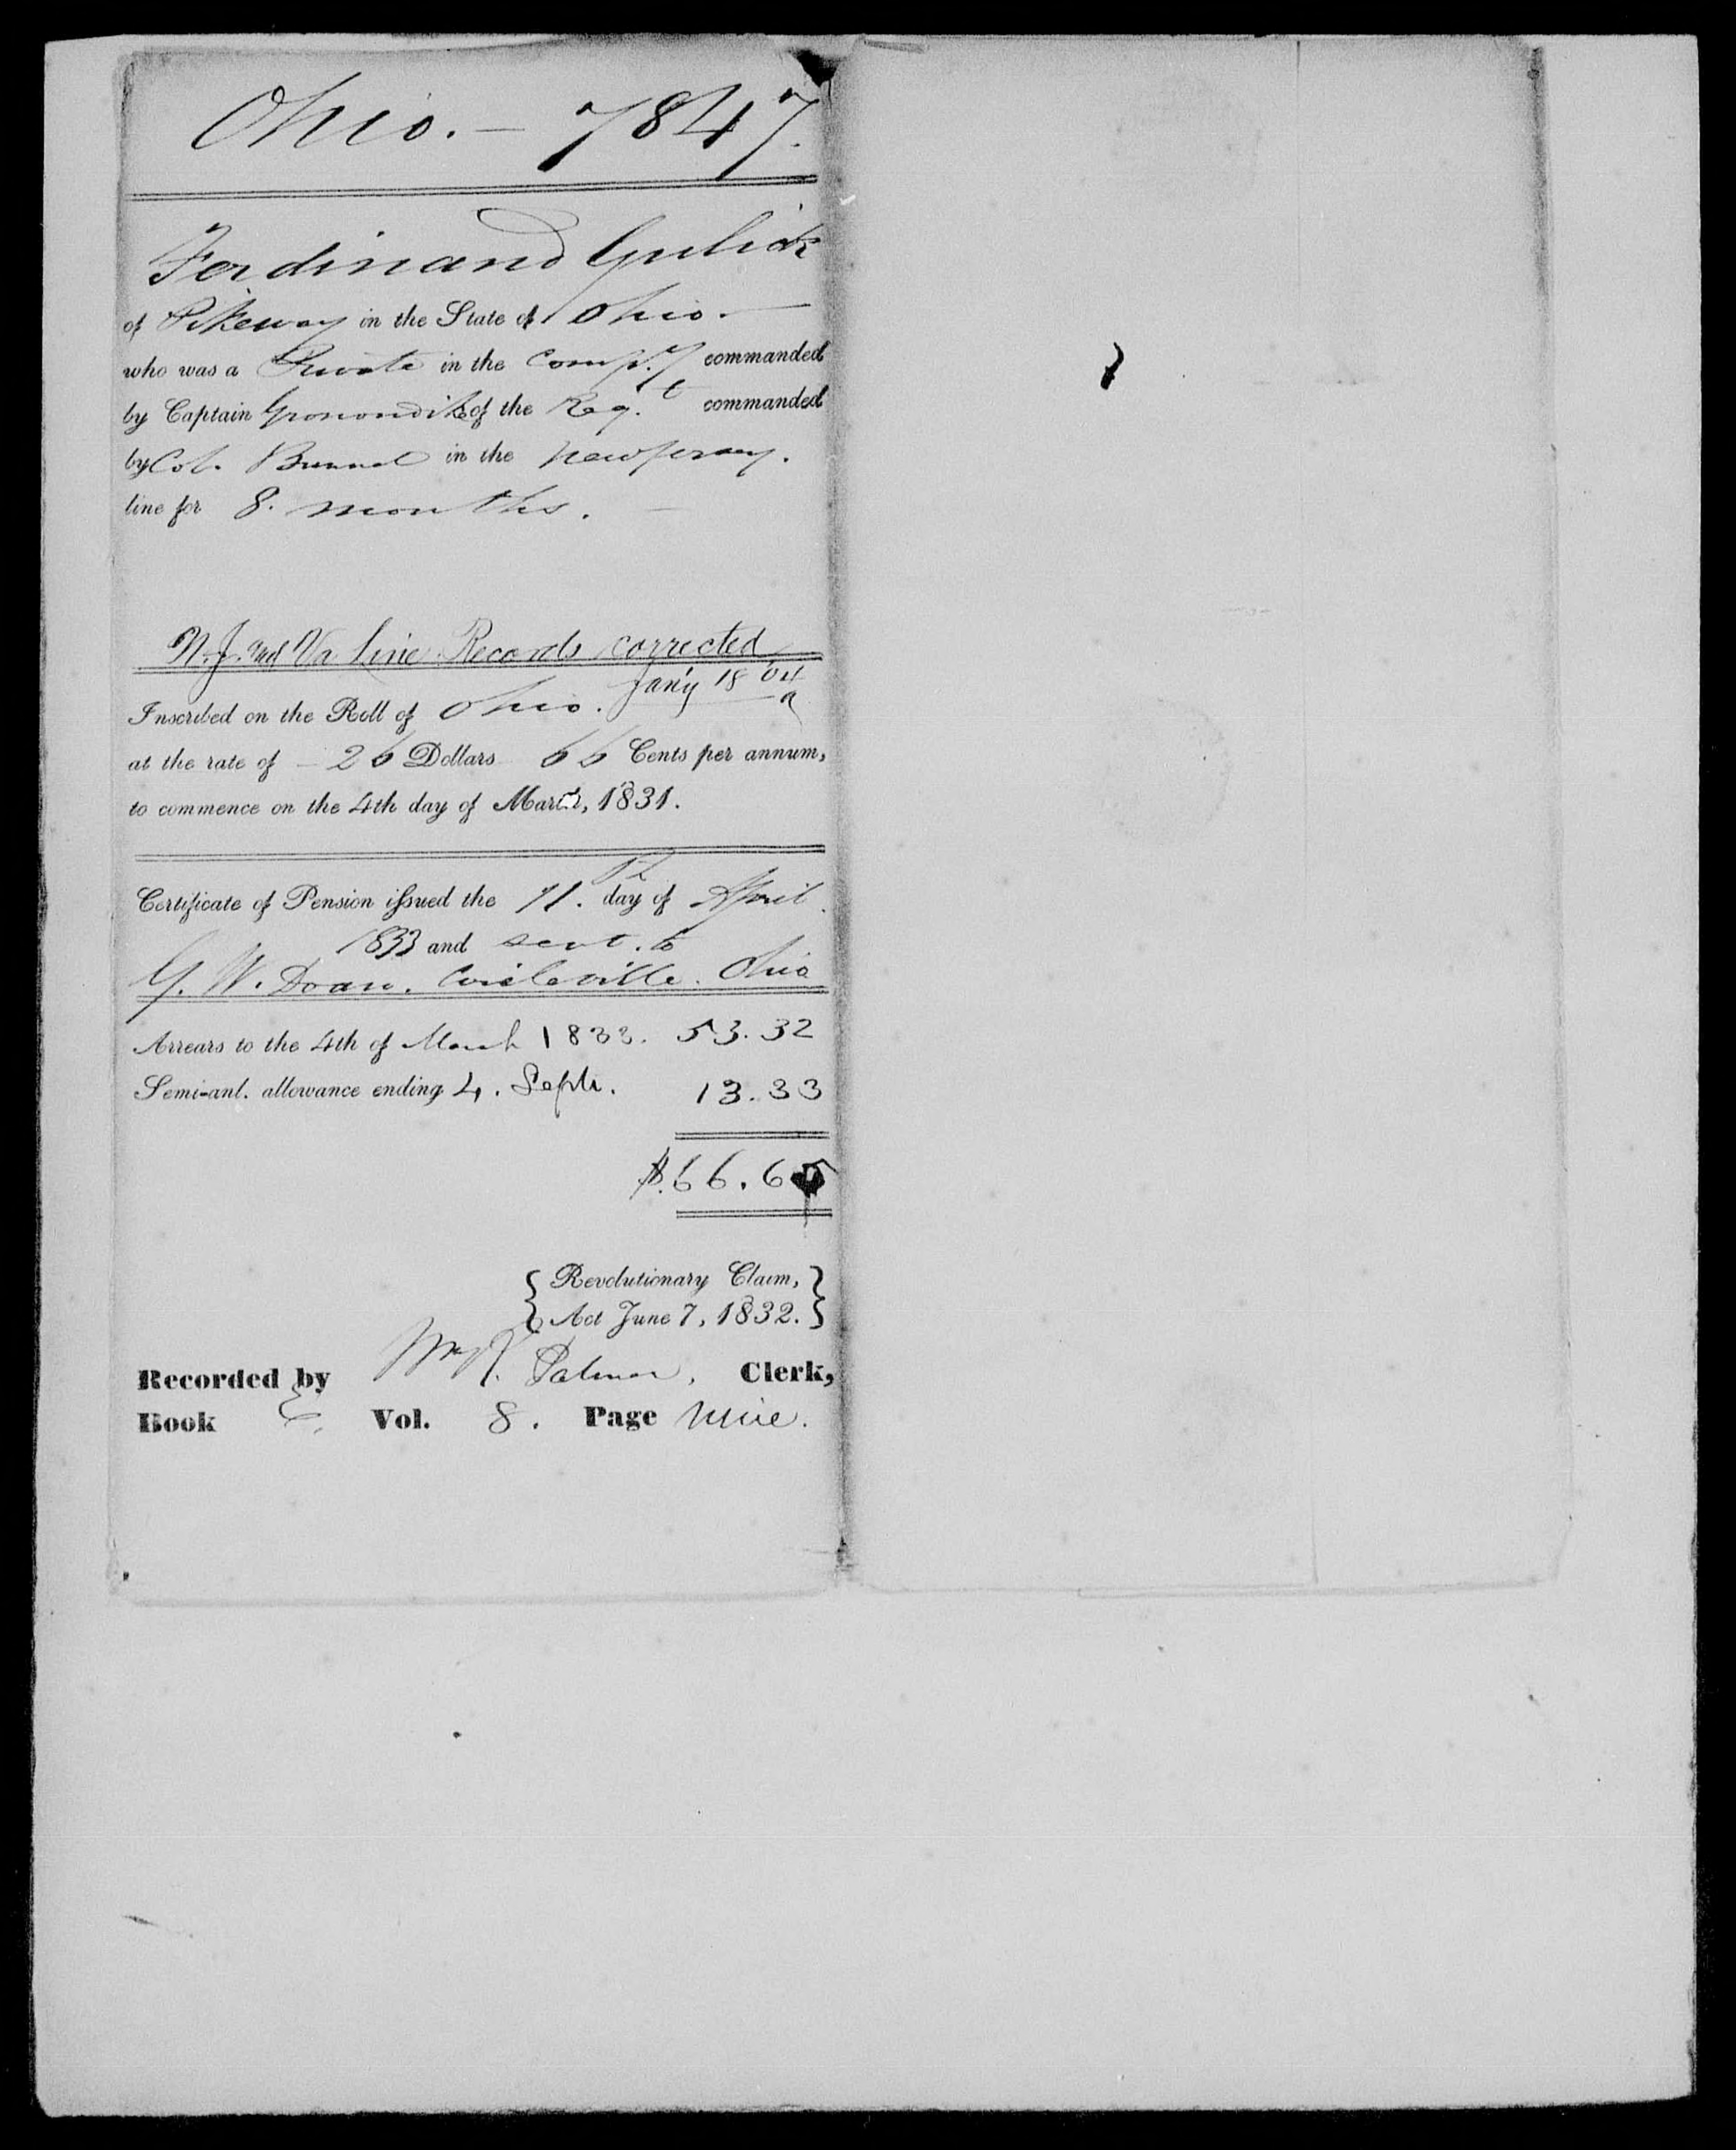(This is a pre-printed form)

Ohio - 7847
===
Ferdinand Gulick of Pikeway in the State of Ohio who was a Private in the Compy commanded by Captain Gronondick of the Regt commanded by Col Bunnel in the New Jersey line for 8 months.

N.J. and Va Line Records Corrected
===
Inscribed on the Roll of Ohio Jan'y 18 '04 at the rate of 26 Dollars 66 Cents per annum, to commence on the 4th day of March, 1831.
===
Certificate of Pension issued the 11th day of April 1833 and sent to G.W. Doan, Circleville Ohio
===
Arrears to the 4th of March 1833, 53.32
Semi-anl allowance ending 4 Sept 13.33
===
$66.65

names: Ferdinand Gulick, Gronondike, Wm R Palmer, G W Doan, Bunnel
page: 2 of 21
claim: survivor's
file: S. 2586, Ferdinand Gulick, New Jersey Va.